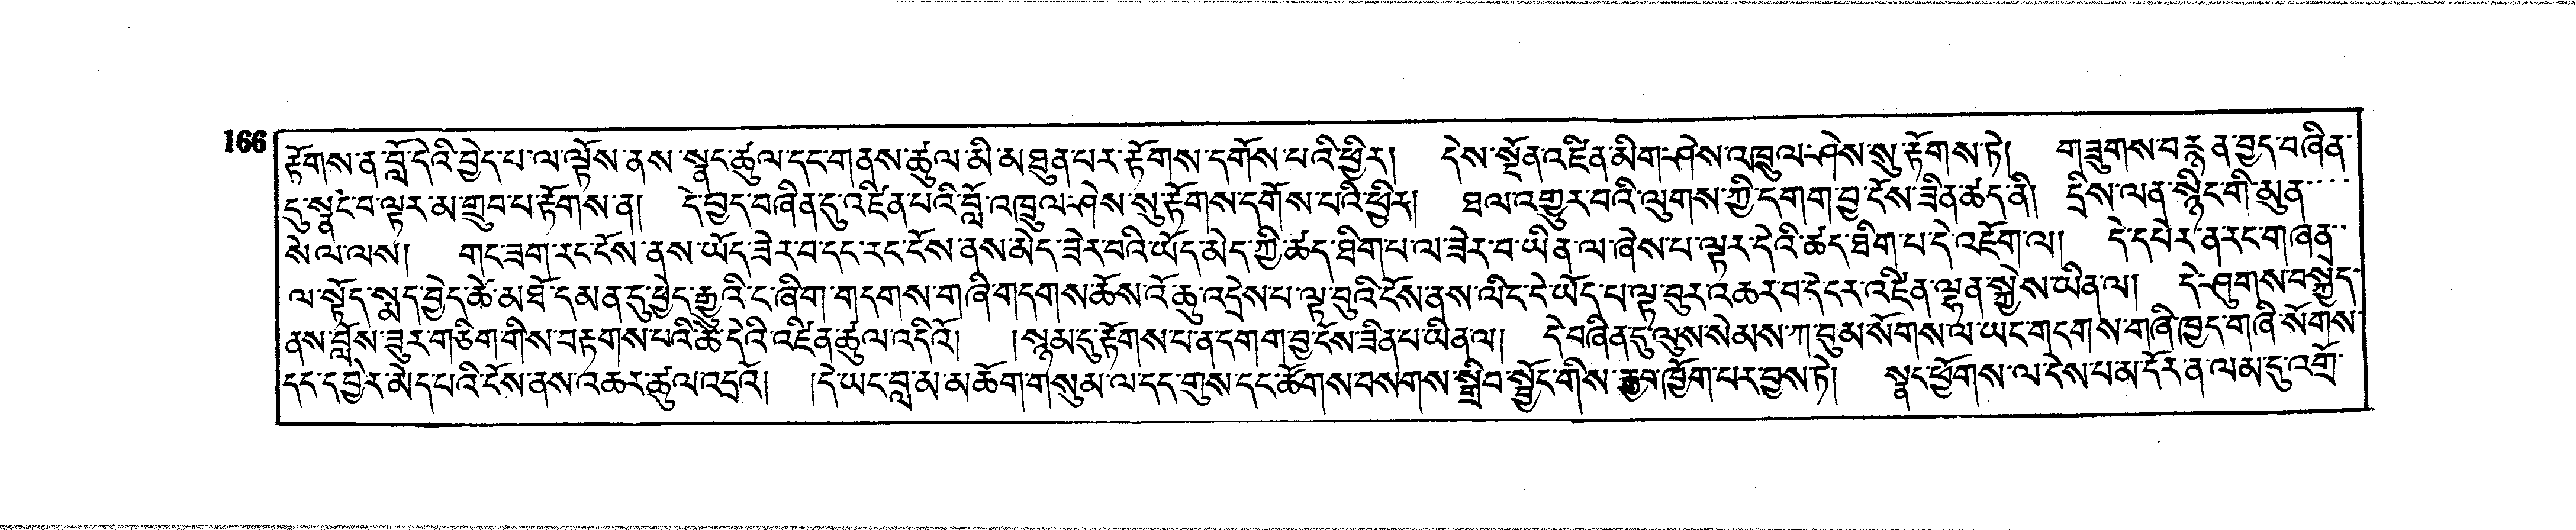རྟོགས་ན་བློ་དེའི་བྱེད་པ་ལ་ལྟོས་ནས་སྣང་ཚུལ་དང་གནས་ཚུལ་མི་མཐུན་པར་རྟོགས་དགོས་པའི་ཕྱིར། དེས་སྔོན་འཛིན་མིག་ཤེས་འཁྲུལ་ཤེས་སུ་རྟོགས་ཏེ། གཟུགས་བརྙན་བྱད་བཞིན་
དུ་སྣང་བ་ལྟར་མ་གྲུབ་པ་རྟོགས་ན། དེ་བྱད་བཞིན་དུ་འཛིན་པའི་བློ་འཁྲུལ་ཤེས་སུ་རྟོགས་དགོས་པའི་ཕྱིར། ཐལ་འགྱུར་བའི་ལུགས་ཀྱི་དགག་བྱ་ངོས་ཟིན་ཚད་ནི། དྲིས་ལན་སྙིང་གི་མུན་
སེལ་ལས། གང་ཟག་རང་ངོས་ནས་ཡོད་ཟེར་བ་དང་རང་ངོས་ནས་མེད་ཟེར་བའི་ཡོད་མེད་ཀྱི་ཚད་ཐིག་པ་ལ་ཟེར་བ་ཡིན་ལ་ཞེས་པ་ལྟར་དེའི་ཚད་ཐིག་པ་དེ་འཇོག་ལ། དེ་དཔེར་ན་རང་གཞན་
ལ་སྟོད་སྨད་བྱེད་ཚེ་མཐོ་དམན་དུ་ཕྱེད་རྒྱུའི་ང་ཞིག་གདགས་གཞི་གདགས་ཆོས་འོ་ཆུ་འདྲེས་པ་ལྟ་བུའི་ངོས་ནས་ལིང་ངེ་ཡོད་པ་ལྟ་བུར་འཆར་བ་དེ་ངར་འཛིན་ལྷན་སྐྱེས་ཡིན་ལ། དེ་ཤུགས་བསྐྱེད་
ནས་བློས་ཟུར་གཅིག་གིས་བརྟགས་པའི་ཚེ་དེའི་འཛིན་ཚུལ་འདིའོ། །སྙམ་དུ་རྟོགས་པ་ན་དགག་བྱ་ངོས་ཟིན་པ་ཡིན་ལ། དེ་བཞིན་དུ་ལུས་སེམས་ཀ་བུམ་སོགས་ལ་ཡང་གདགས་གཞི་ཁྱད་གཞི་སོགས་
དང་དབྱེར་མེད་པའི་ངོས་ནས་འཆར་ཚུལ་འདྲའོ། །དེ་ཡང་བླ་མ་མཆོག་གསུམ་ལ་དད་གུས་དང་ཚོགས་བསགས་སྒྲིབ་སྦྱོང་གིས་རྒྱབ་ཁྱོག་པར་བྱས་ཏེ། སྣང་ཕྱོགས་ལ་ངེས་པ་མ་དོར་ན་ལམ་དུ་འགྲོ་